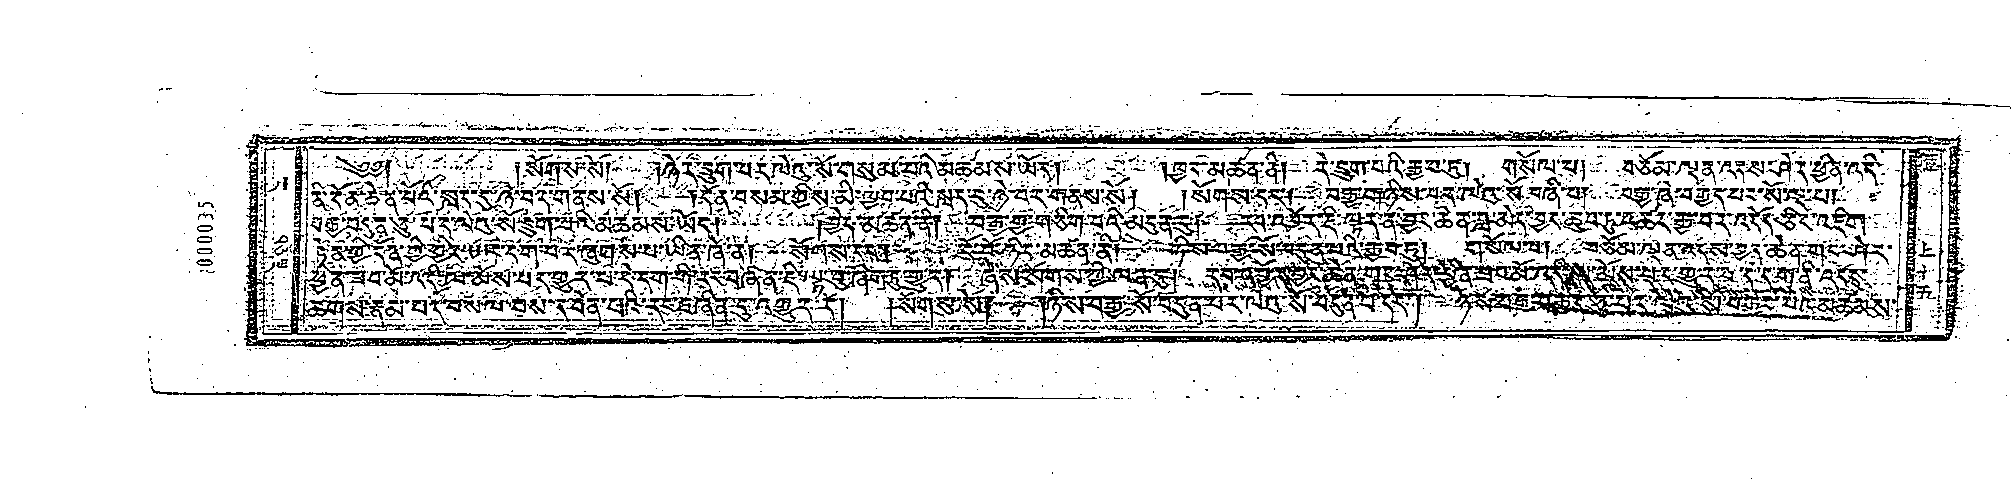༄༅། །སོགས་སོ། །ཉེར་དྲུག་པར་ལེའུ་སོ་གསུམ་པའི་མཚམས་ཡོད། །ཁྱད་མཚན་ནི། རེ་དྲུག་པའི་རྒྱབ་ཏུ། གསོལ་པ། བཅོམ་ལྡན་འདས་ཤེར་ཕྱིན་འདི་
ནི་དོན་ཆེན་པོའི་སླད་དུ་ཉེ་བར་གནས་སོ། །དོན་བསམ་གྱིས་མི་ཁྱབ་པའི་སླད་དུ་ཉེ་བར་གནས་སོ། །སོགས་དང་། བརྒྱ་གཉིས་པར་ལེའུ་སོ་བཞི་པ། བརྒྱ་ཞེ་བརྒྱད་པར་སོ་ལྔ་པ།
བརྒྱ་བདུན་ཅུ་པར་ལེའུ་སོ་དྲུག་པའི་མཚམས་ཡོད། །བྱེད་མཚན་ནི། བརྒྱ་གྱ་གཅིག་པའི་མདུན་དུ། རབ་འབྱོར་ཇི་ལྟར་ན་བྱང་ཆེན་བླ་མེད་བྱང་ཆུབ་ཏུ་འཚང་རྒྱ་བར་འདོད་ཅིང་འཇིག་
རྟེན་གྱི་དོན་གྱི་ཕྱིར་ཡང་དག་པར་བཞུགས་པ་ཡིན་ཞེ་ན། སོགས་དང་། ངོ་བོ་ཉིད་མཚན་ནི། ཉིས་བརྒྱ་སོ་བདུན་པའི་རྒྱབ་ཏུ། གསོལ་པ། བཅོམ་ལྡན་འདས་བྱང་ཆེན་གང་ཤེར་
ཕྱིན་ཟབ་མོ་འདི་ལ་མོས་པར་གྱུར་པ་དེ་དག་གི་རང་བཞིན་ཇི་ལྟ་བུ་ཞིག་ཏུ་གྱུར། ཞེས་སོགས་ཀྱི་ལན་དུ། རབ་འབྱོར་བྱང་ཆེན་གང་ཤེར་ཕྱིན་ཟབ་མོ་འདི་ལ་མོས་པར་གྱུར་པ་དེ་དག་ནི་འདོད་
ཆགས་རྣམ་པར་བསལ་བས་དབེན་པའི་རང་བཞིན་དུ་འགྱུར་རོ། །སོགས་སོ། །ཉིས་བརྒྱ་སོ་བདུན་པར་ལེའུ་སོ་བདུན་པ་དང་། ཉིས་བརྒྱ་བརྒྱད་ཅུ་པར་ལེའུ་སོ་བརྒྱད་པའི་མཚམས་